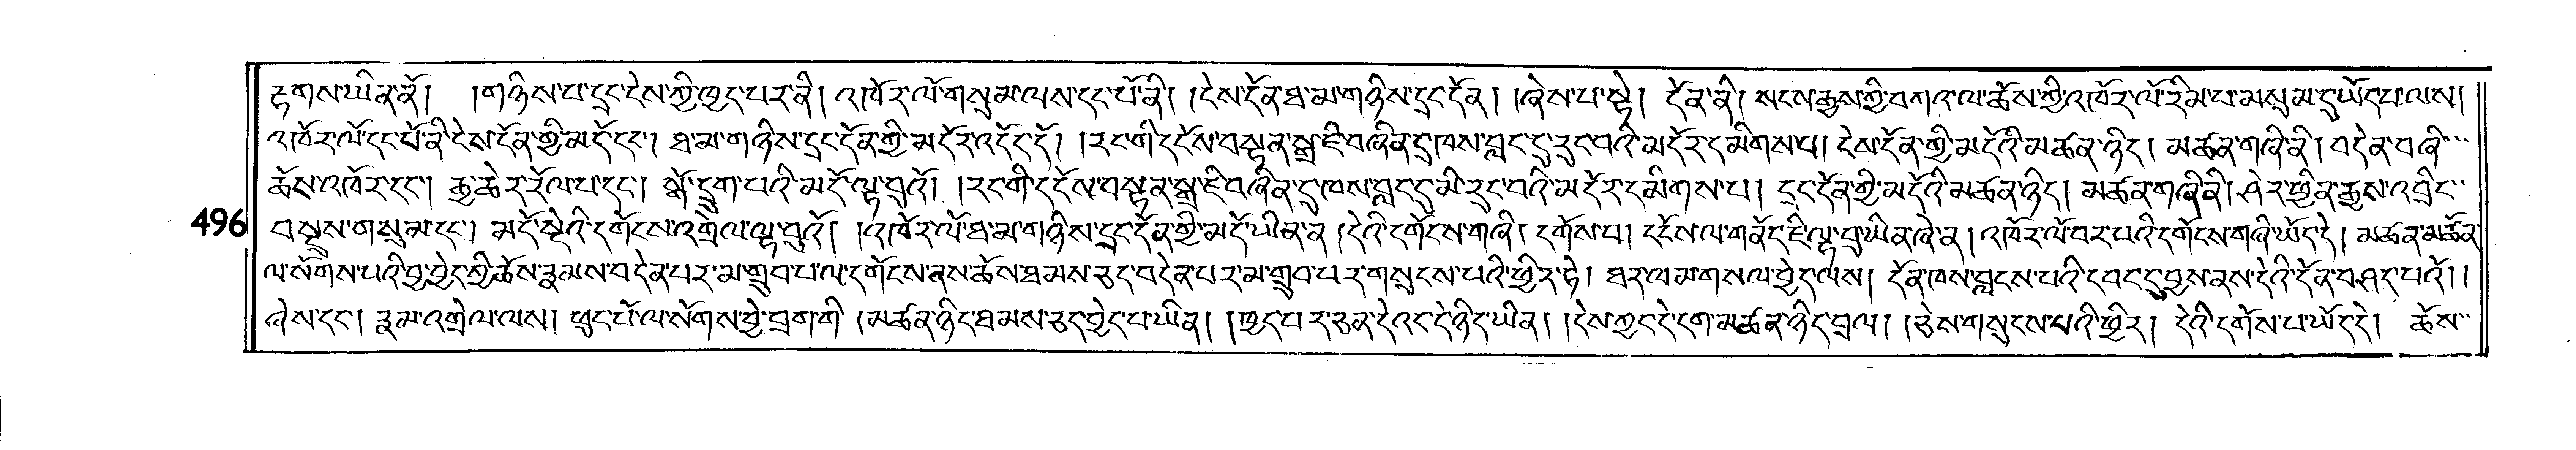རྟགས་ཡིན་ནོ། །གཉིས་པ་དྲང་ངེས་ཀྱི་ཁྱད་པར་ནི། འཁོར་ལོ་གསུམ་ལས་དང་པོ་ནི། །དེས་དོན་ཐ་མ་གཉིས་དྲང་དོན། །ཞེས་པ་སྟེ། དོན་ནི། སངས་རྒྱས་ཀྱི་བཀའ་ལ་ཆོས་ཀྱི་འཁོར་ལོ་རིམ་པ་གསུམ་དུ་ཡོད་པ་ལས།
འཁོར་ལོ་དང་པོ་ནི་ངེས་དོན་གྱི་མདོ་དང་། ཐ་མ་གཉིས་དྲང་དོན་གྱི་མདོར་འདོད་དོ། །རང་གི་དངོས་བསྟན་སྒྲ་ཇི་བཞིན་དུ་ཁས་བླང་དུ་རུང་བའི་མདོར་དམིགས་པ། ངེས་དོན་གྱི་མདོའི་མཚན་ཉིད། མཚན་གཞི་ནི། བདེན་བཞི་
ཆོས་འཁོར་དང་། རྒྱ་ཆེར་རོལ་པ་དང་། སྒོ་དྲུག་པའི་མདོ་ལྟ་བུའོ། །རང་གི་དངོས་བསྟན་སྒྲ་ཇི་བཞིན་དུ་ཁས་བླང་དུ་མི་རུང་བའི་མདོར་དམིགས་པ། དྲང་དོན་གྱི་མདོའི་མཚན་ཉིད། མཚན་གཞི་ནི། ཤེར་ཕྱིན་རྒྱས་འབྲིང་
བསྡུས་གསུམ་དང་། མདོ་སྡེའི་དགོངས་འགྲེལ་ལྟ་བུའོ། །འཁོར་ལོ་ཐ་མ་གཉིས་དྲང་དོན་གྱི་མདོ་ཡིན་ན་།དེའི་དགོངས་གཞི། དགོས་པ། དངོས་ལ་གནོད་ཇི་ལྟ་བུ་ཡིན་ཞེ་ན། འཁོར་ལོ་བར་པའི་དགོངས་གཞི་ཡོད་དེ། མཚན་མཚོན་
ལ་སོགས་པའི་བྱ་བྱེད་ཀྱི་ཆོས་རྣམས་བདེན་པར་མ་གྲུབ་པ་ལ་དགོངས་ནས་ཆོས་ཐམས་ཅད་བདེན་པར་མ་གྲུབ་པར་གསུངས་པའི་ཕྱིར་ཏེ། ཐར་ལམ་གསལ་བྱེད་ལས། དོན་ཁས་བླངས་པའི་དབང་དུ་བྱས་ནས་དེའི་དོན་བཤད་པའོ། །
ཞེས་དང་། རྣམ་འགྲེལ་ལས། ཕུང་པོ་ལ་སོགས་བྱེ་བྲག་གི །མཚན་ཉིད་ཐམས་ཅད་བྱེད་པ་ཡིན། །ཁྱད་པར་ཅན་དེའང་དེ་ཉིད་ཡིན། །དེས་ཀྱང་དེ་དག་མཚན་ཉིད་བྲལ། །ཅེས་གསུངས་པའི་ཕྱིར། དེའི་དགོས་པ་ཡོད་དེ། ཆོས་